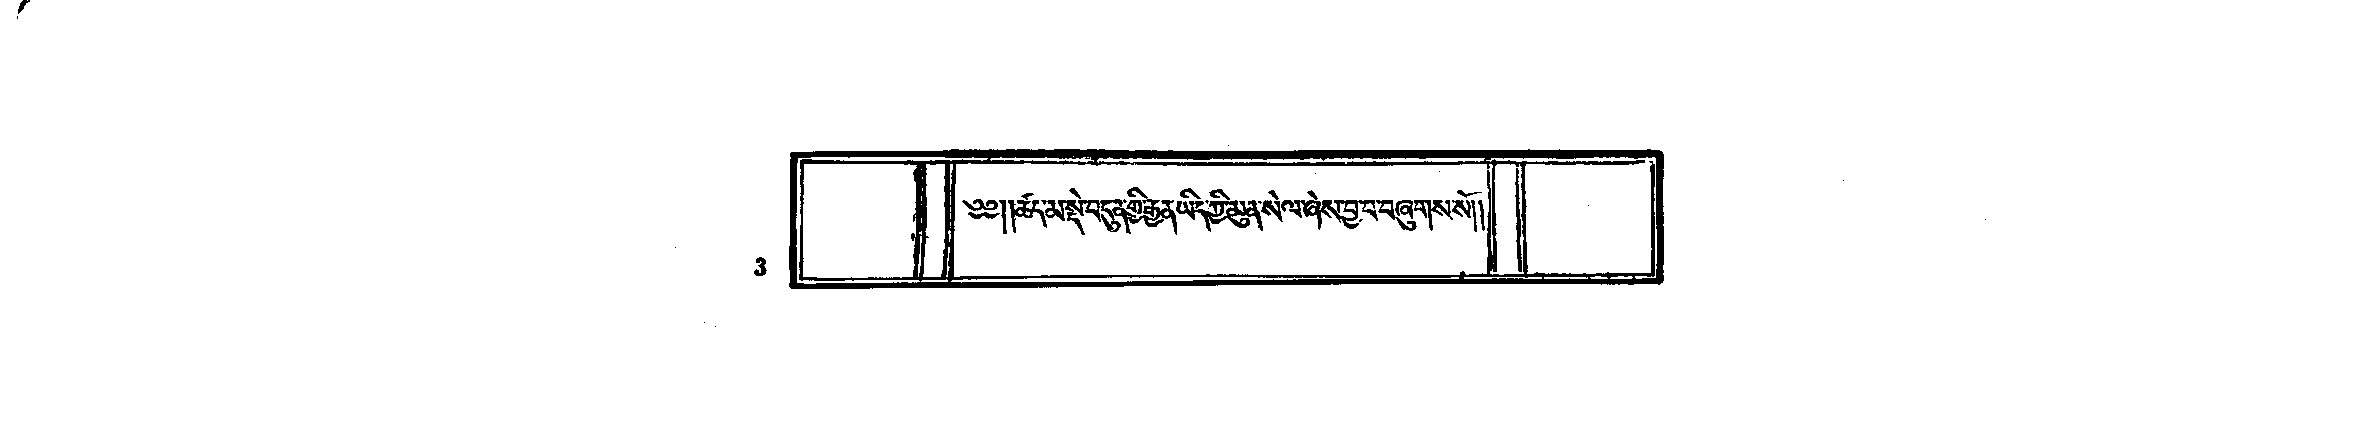༄༅། །ཚད་མ་སྡེ་བདུན་གྱི་རྒྱན་ཡིད་ཀྱི་མུན་སེལ་ཞེས་བྱ་བ་བཞུགས་སོ།།